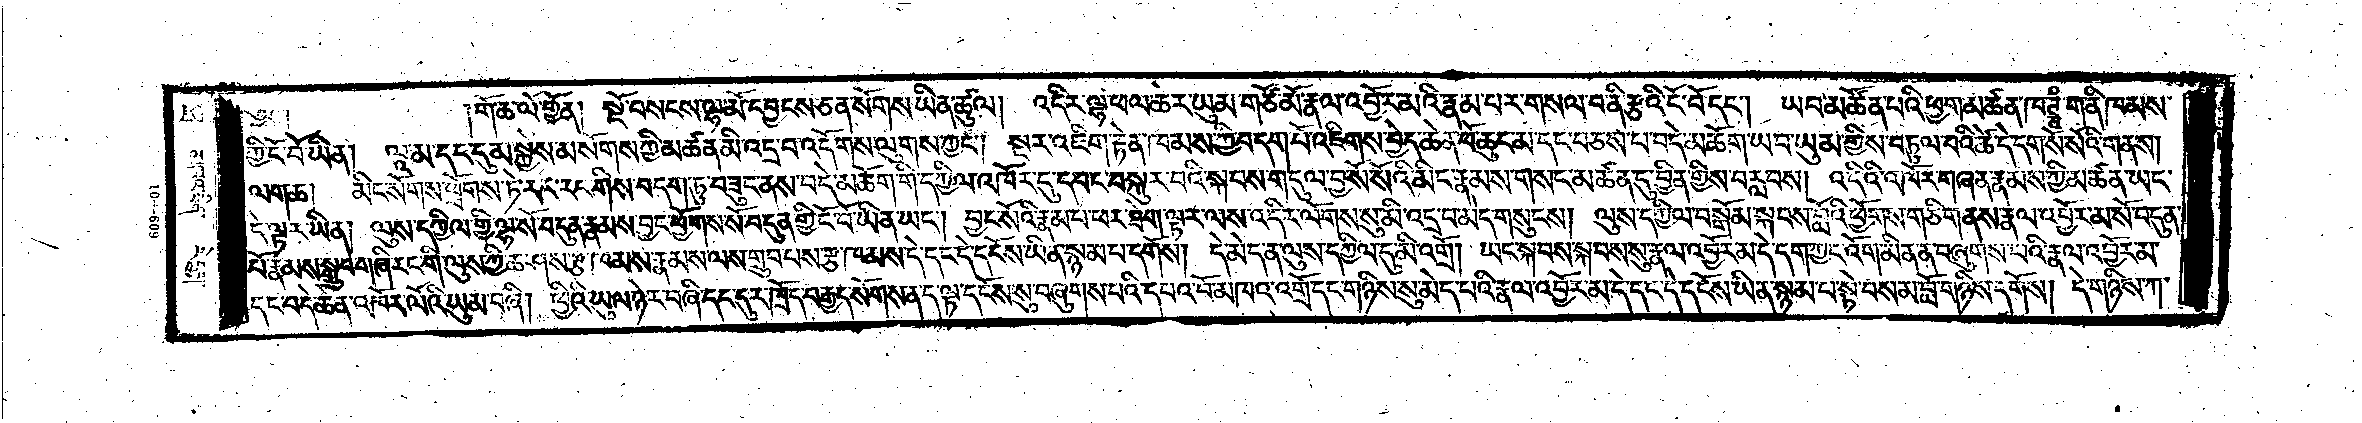༄༅། །གོ་ཆ་ལོ་གྱོན། སྔོ་བསངས་ལྷ་མོ་དབྱངས་ཅན་སོགས་ཡིན་ཚུལ། འདིར་ལྷ་ཕལ་ཆེར་ཡུམ་གཙོ་མོ་རྣལ་འབྱོར་མའི་རྣམ་པར་གསལ་བ་ནི་རྩའི་ངོ་བོ་དང་། ཡབ་མཚོན་པའི་ཕྱག་མཚན་ཁ་ཊཝའཾ་ག་ནི་ཁམས་
ཀྱི་ངོ་བོ་ཡིན། ལཱ་མ་དང་དུ་མ་སྐྱེས་མ་སོགས་ཀྱི་མཚན་མི་འདྲ་བ་འདོགས་ལུགས་ཀྱང་། སྔར་འཇིག་རྟེན་ཁམས་ཀྱི་བདག་པོ་འཇིགས་བྱེད་ཆེན་པོ་ཆུང་མ་དང་བཅས་པ་བདེ་མཆོག་ཡབ་ཡུམ་གྱིས་བཏུལ་བའི་ཚེ་དེ་དག་སོ་སོའི་གནས།
ལག་ཆ། མིང་སོགས་ཕྲོགས་ཏེ་རང་རང་གིས་བདག་ཏུ་བཟུང་ནས་བདེ་མཆོག་གི་དཀྱིལ་འཁོར་དུ་དབང་བསྐུར་བའི་སྐབས་གདུལ་བྱ་སོ་སོའི་མིང་རྣམས་གསང་མཚན་དུ་བྱིན་གྱིས་བརླབས། འདིའི་འཁོར་གཞན་རྣམས་ཀྱི་མཚན་ཡང་
དེ་ལྟར་ཡིན། ལུས་དཀྱིལ་གྱི་ལྷ་སོ་བདུན་རྣམས་བྱང་ཕྱོགས་སོ་བདུན་གྱི་ངོ་བོ་ཡིན་ཡང་། བྱང་སོའི་རྣམ་པ་ཕར་ཐེག་ལྟར་ལས་འདིར་ལོགས་སུ་མི་འདྲ་བ་མེད་གསུངས། ལུས་དཀྱིལ་བསྒོམ་སྐབས་བློའི་ཕྱོགས་གཅིག་ནས་རྣལ་འབྱོར་མ་སོ་བདུན་
པོ་རྣམས་སྒྲུབ་གཞི་རང་གི་ལུས་ཀྱི་ཆ་ཤས་རྩ་ཁམས་རྣམས་ལས་གྲུབ་པས་རྩ་ཁམས་དེ་དང་དེ་དངོས་ཡིན་སྙམ་པ་དགོས། དེ་མེད་ན་ལུས་དཀྱིལ་དུ་མི་འགྲོ། ཡང་སྐབས་སྐབས་སུ་རྣལ་འབྱོར་མ་དེ་དག་ཀྱང་འོག་མིན་ན་བཞུགས་པའི་རྣལ་འབྱོར་མ་
དང་བདེ་ཆེན་འཁོར་ལོའི་ཡུམ་བཞི། ཕྱིའི་ཡུལ་ཉེར་བཞི་དང་དུར་ཁྲོད་བརྒྱད་སོགས་ན་ད་ལྟ་དངོས་སུ་བཞུགས་པའི་དཔའ་བོ་མཁའ་འགྲོ་དང་གཉིས་སུ་མེད་པའི་རྣལ་འབྱོར་མ་དེ་དང་དེ་དངོས་ཡིན་སྙམ་པ་སྟེ་བསམ་བློ་གཉིས་དགོས། དེ་གཉིས་ཀ་